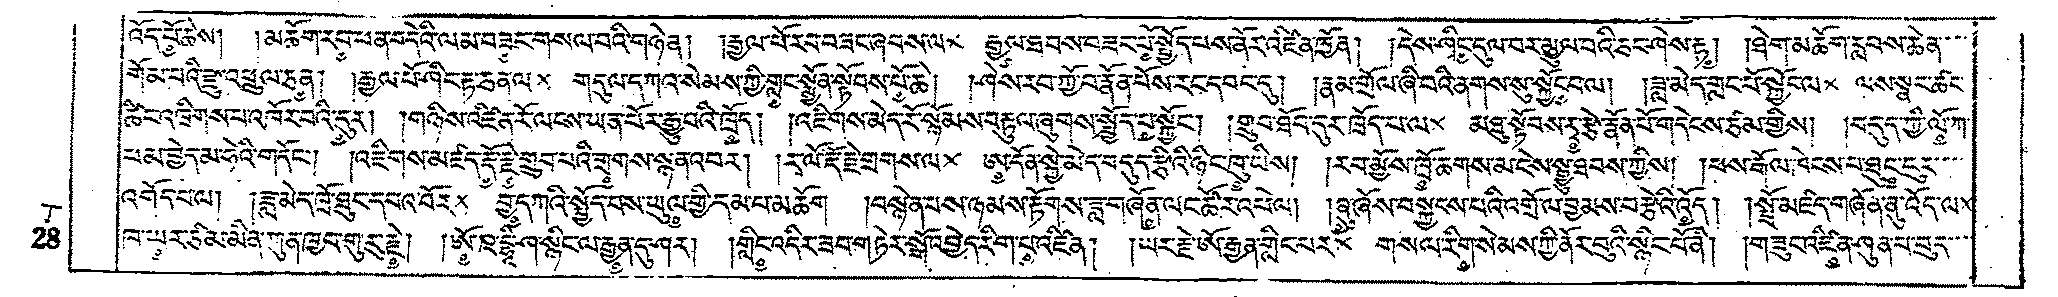འོད་པོཾ་ཆེས། །མཆོག་རབཾ་ཕན་བདེའི་ལམ་བཟངཾ་གསལ་བའི་གཉེན། །རྒྱལ་པོ་རབ་བཟང་ཞབས་ལ་྾་རྒྱལཾ་ཐབས་བཟང་པོཾ་སྤྱོད་པས་ནོར་འཛིན་ཁྱོན། །དེས་ཤིངཾ་དུལ་བར་མྱུལ་བའི་ཅང་ཤེས་རྟཾ། །ཐེག་མཆོག་རླབས་ཆེན་་་
གོམ་པའི་རྫུ་འཕྲུལ་ཅནཾ། །རྒྱལ་པོ་ཤིང་རྟ་ཅན་ལ་྾་གདུལ་དཀའ་སེམས་ཀྱི་གླངཾ་སྨྱོན་སྟོབས་པོཾ་ཆེ། །ཤེས་རབ་ཀྱོ་བ་རྣོན་པོས་རང་དབང་དུ། །རྣམ་གྲོལ་ཞི་བའི་ནགས་སུ་སྐྱོངཾ་བ་ལ། །ཟླ་མེད་གླང་པོ་སྐྱོང་ལ་྾་ལས་སྣང་ཚང་
ཚིང་འཁྲིགས་པ་འཁོར་བའི་དུརཾ། །གཉིས་འཛིན་རོ་ལངས་ཡན་པོར་རྒྱུ་བའི་ཁྲོདཾ། །འཇིགས་མེད་རོ་སྙོམས་བརྟུལ་ཞུགས་སྤྱོད་པཾ་སྐྱོང་། །གྲུབ་ཐོབ་དུར་ཁྲོད་པ་ལ་྾་མཐུ་སྟོབས་རྭཾ་རྩེ་རྣོན་པོ་གདེངས་ཙམ་གྱིས། །བདུད་ཀྱི་ལོཾ་ཀ་
ཕམ་བྱེད་མ་ཧེའི་གདོང་། །འཇིགས་མཛད་རྡོཾ་རྗེཾ་གྲུབ་པའི་གྲགསཾ་སྙན་འབར། །རྭ་ལོ་རྡོ་རྗེ་གྲགས་ལ་྾་ཨཾ་དོན་སྐྱེ་མེད་བདུད་རྩིའི་ཉིང་ཁུཾ་ཡིས། །རབ་མྱོས་ཁྲོཾ་ཆགས་མ་ངེས་སྒྱུ་ཐབས་ཀྱིས། །ཕས་རྒོལ་ཁེངས་པ་ཐུངཾ་ངུར་་་
འགོད་པ་ལ། །ཟླ་མེད་ཁྲོ་ཐུང་དཔའ་བོར་྾་བྱཾ་དཀའི་སྤྱོད་པས་ཡུལཾ་གྱི་དམ་པ་མཆོག །བསྙེན་པས་ཉམས་རྟོགས་ཟླ་གཞོནཾ་ལང་ཚོར་འཕེལ། །ཞུ་ཞོས་བསྐྱངས་པའི་འགྲོ་ལ་བྱམས་བརྩེའི་འོདཾ། །སྤྲོ་མཛད་གཞོན་ནུ་འོད་ལ་྾་
ཁ་ཡརཾ་ཙམ་མིན་ཀུན་ཁྱབ་གུ་རུ་རྗེཾ། །ཨོཾ་ཥ་དྷཱི་ཤ་སྙིང་ལ་རྒྱནཾ་དུ་ཤར། །གླིངཾ་འདིར་ཟབ་གཏེར་སྒོ་འབྱེད་རིག་པཾ་འཛིན། །ཡར་རྗེ་ཨོ་རྒྱན་གླིང་པར་྾་གསལ་རིགཾ་སེམས་ཀྱི་ནོར་བུའི་སྙིང་པོ་ནི། །གཟུང་འཛིནཾ་ཤུན་པ་བུད་་་